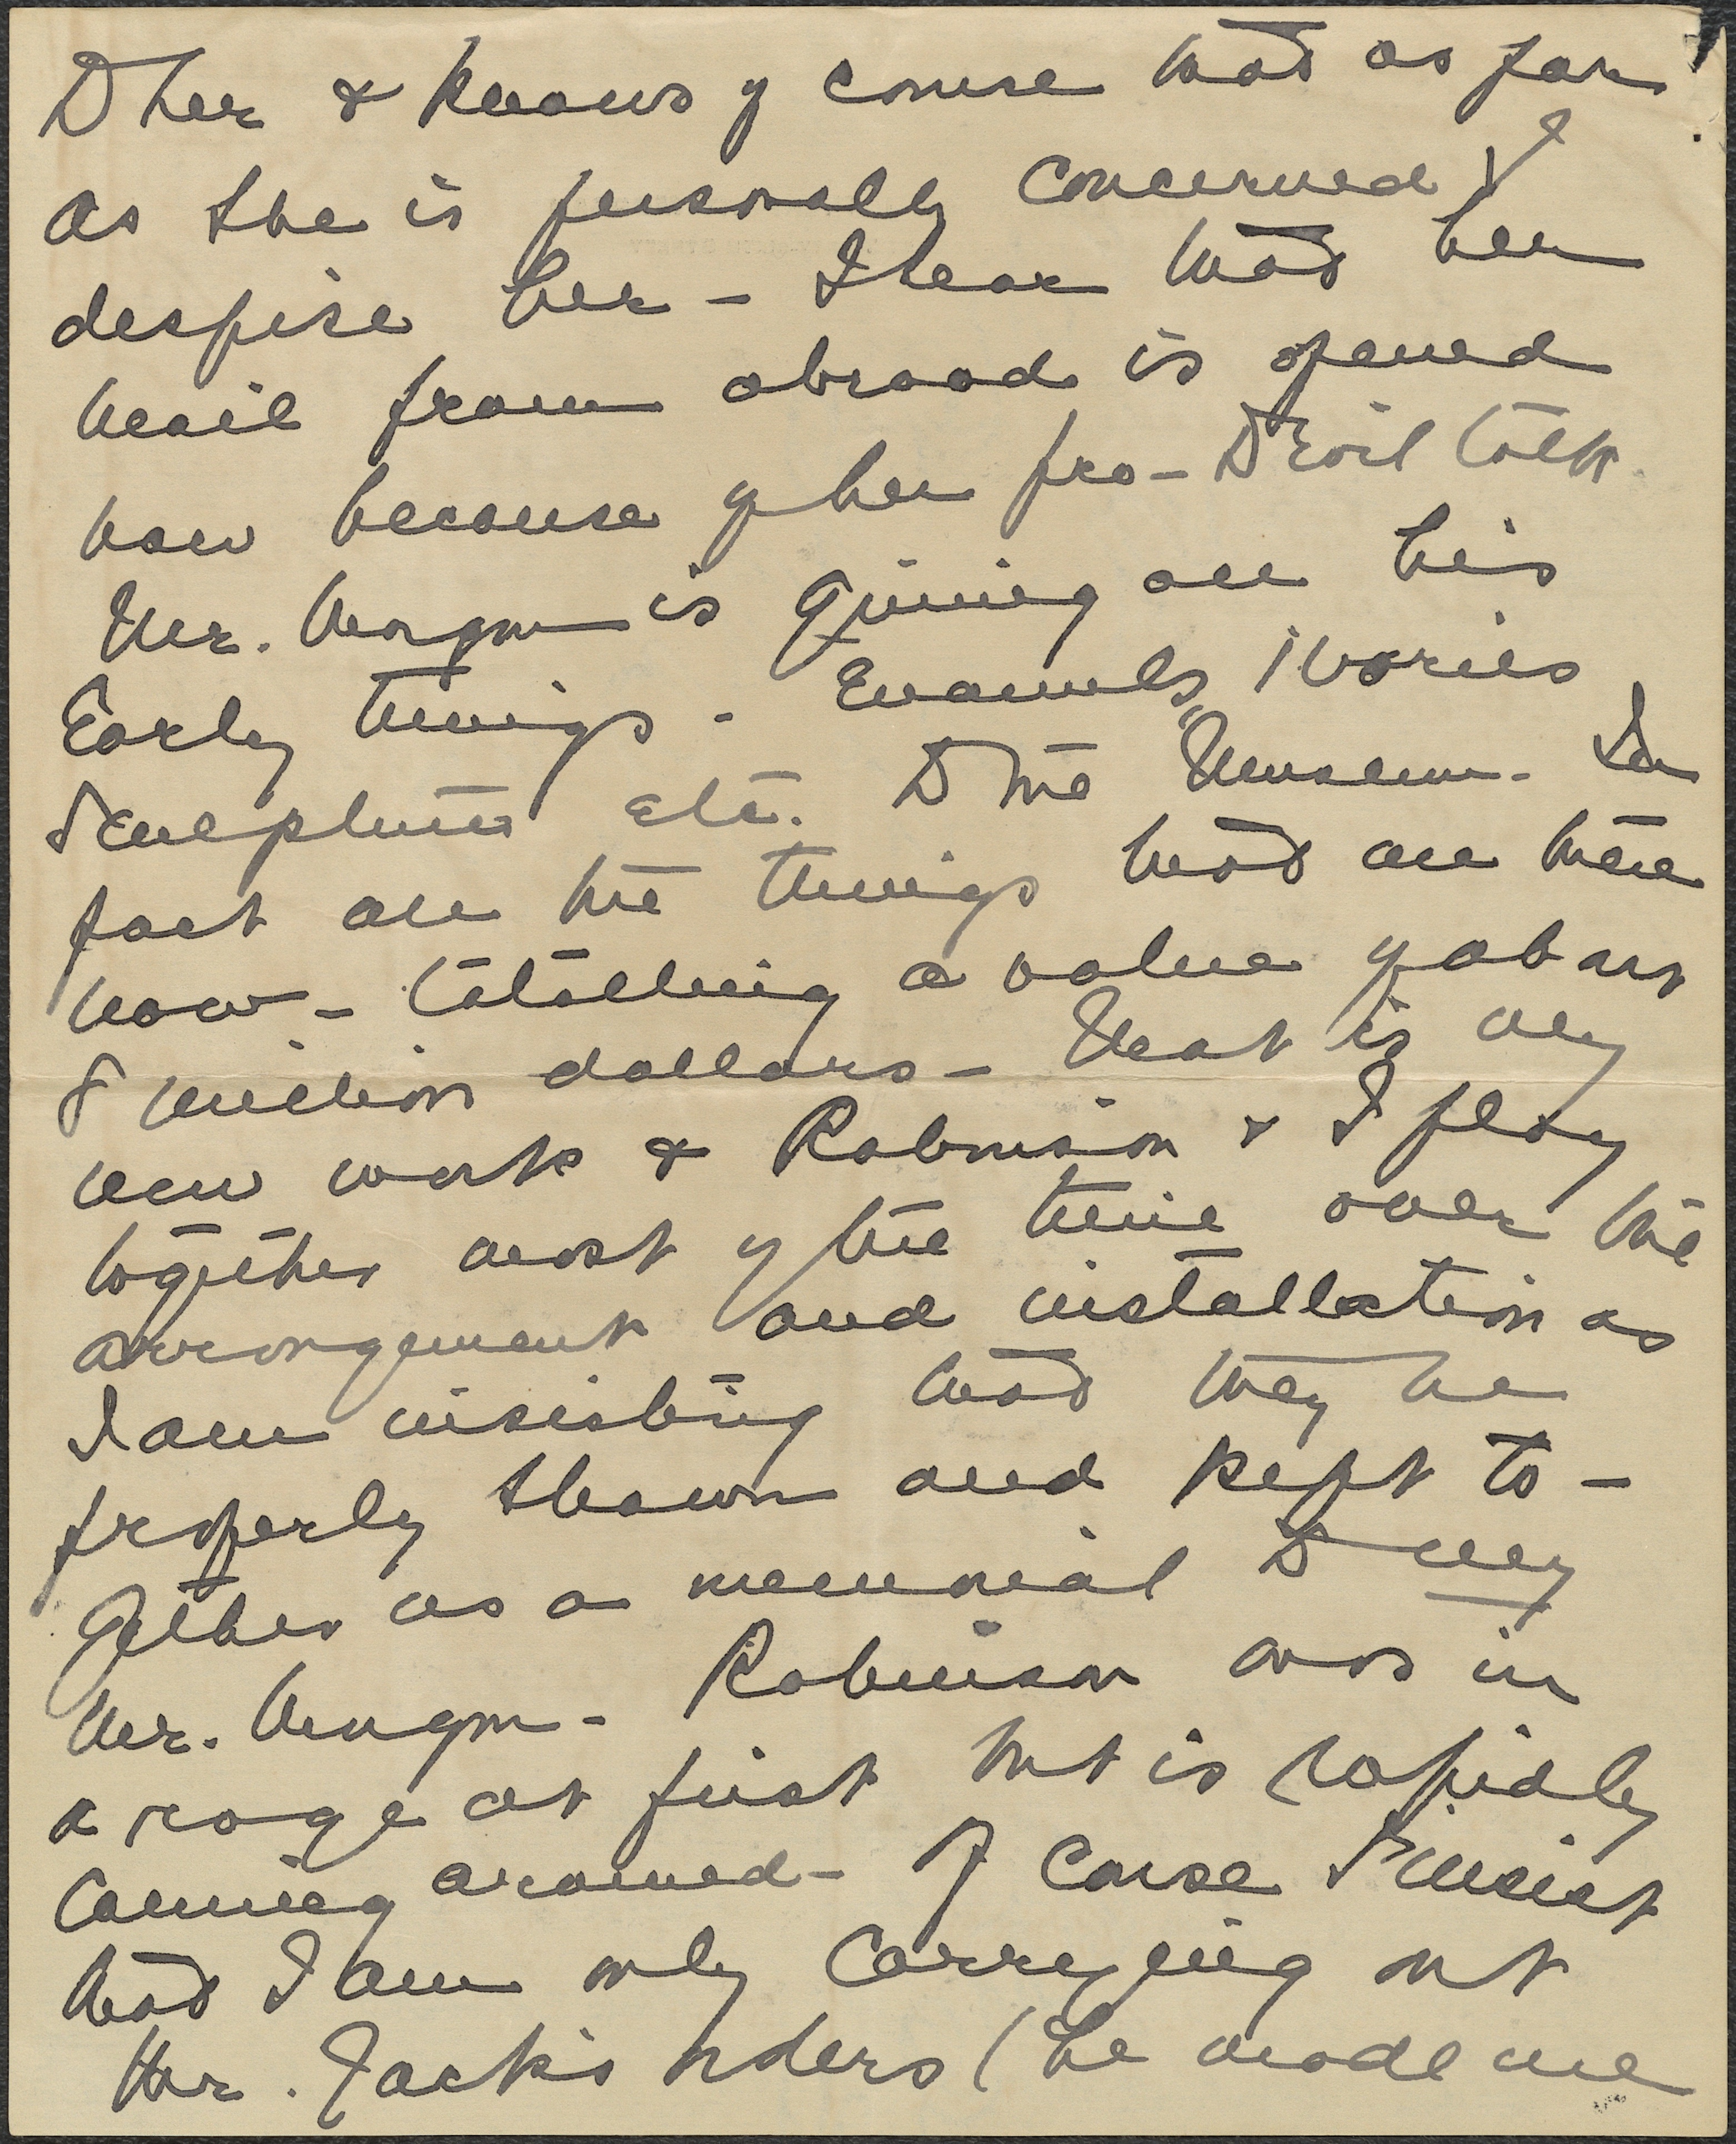to her & knows of course that as far as she is personally concerned I despise her – I hear that her mail from abroad is opened now because of her pro-Devil talk. Mr. Morgan is giving all his early things– enamels ivories sculptures etc. to the Museum. In fact all the things that are there now – totalling a value of about 8 million dollars – that is my new work & Robinson & I play together most of the time over the arrangement and installation as I am insisting that they be properly shown and kept together as a memorial to my Mr. Morgan – Robinson was in a rage at first but is rapidly coming around – of course I insist that I am only carrying out Mr. Jack's orders (he made me